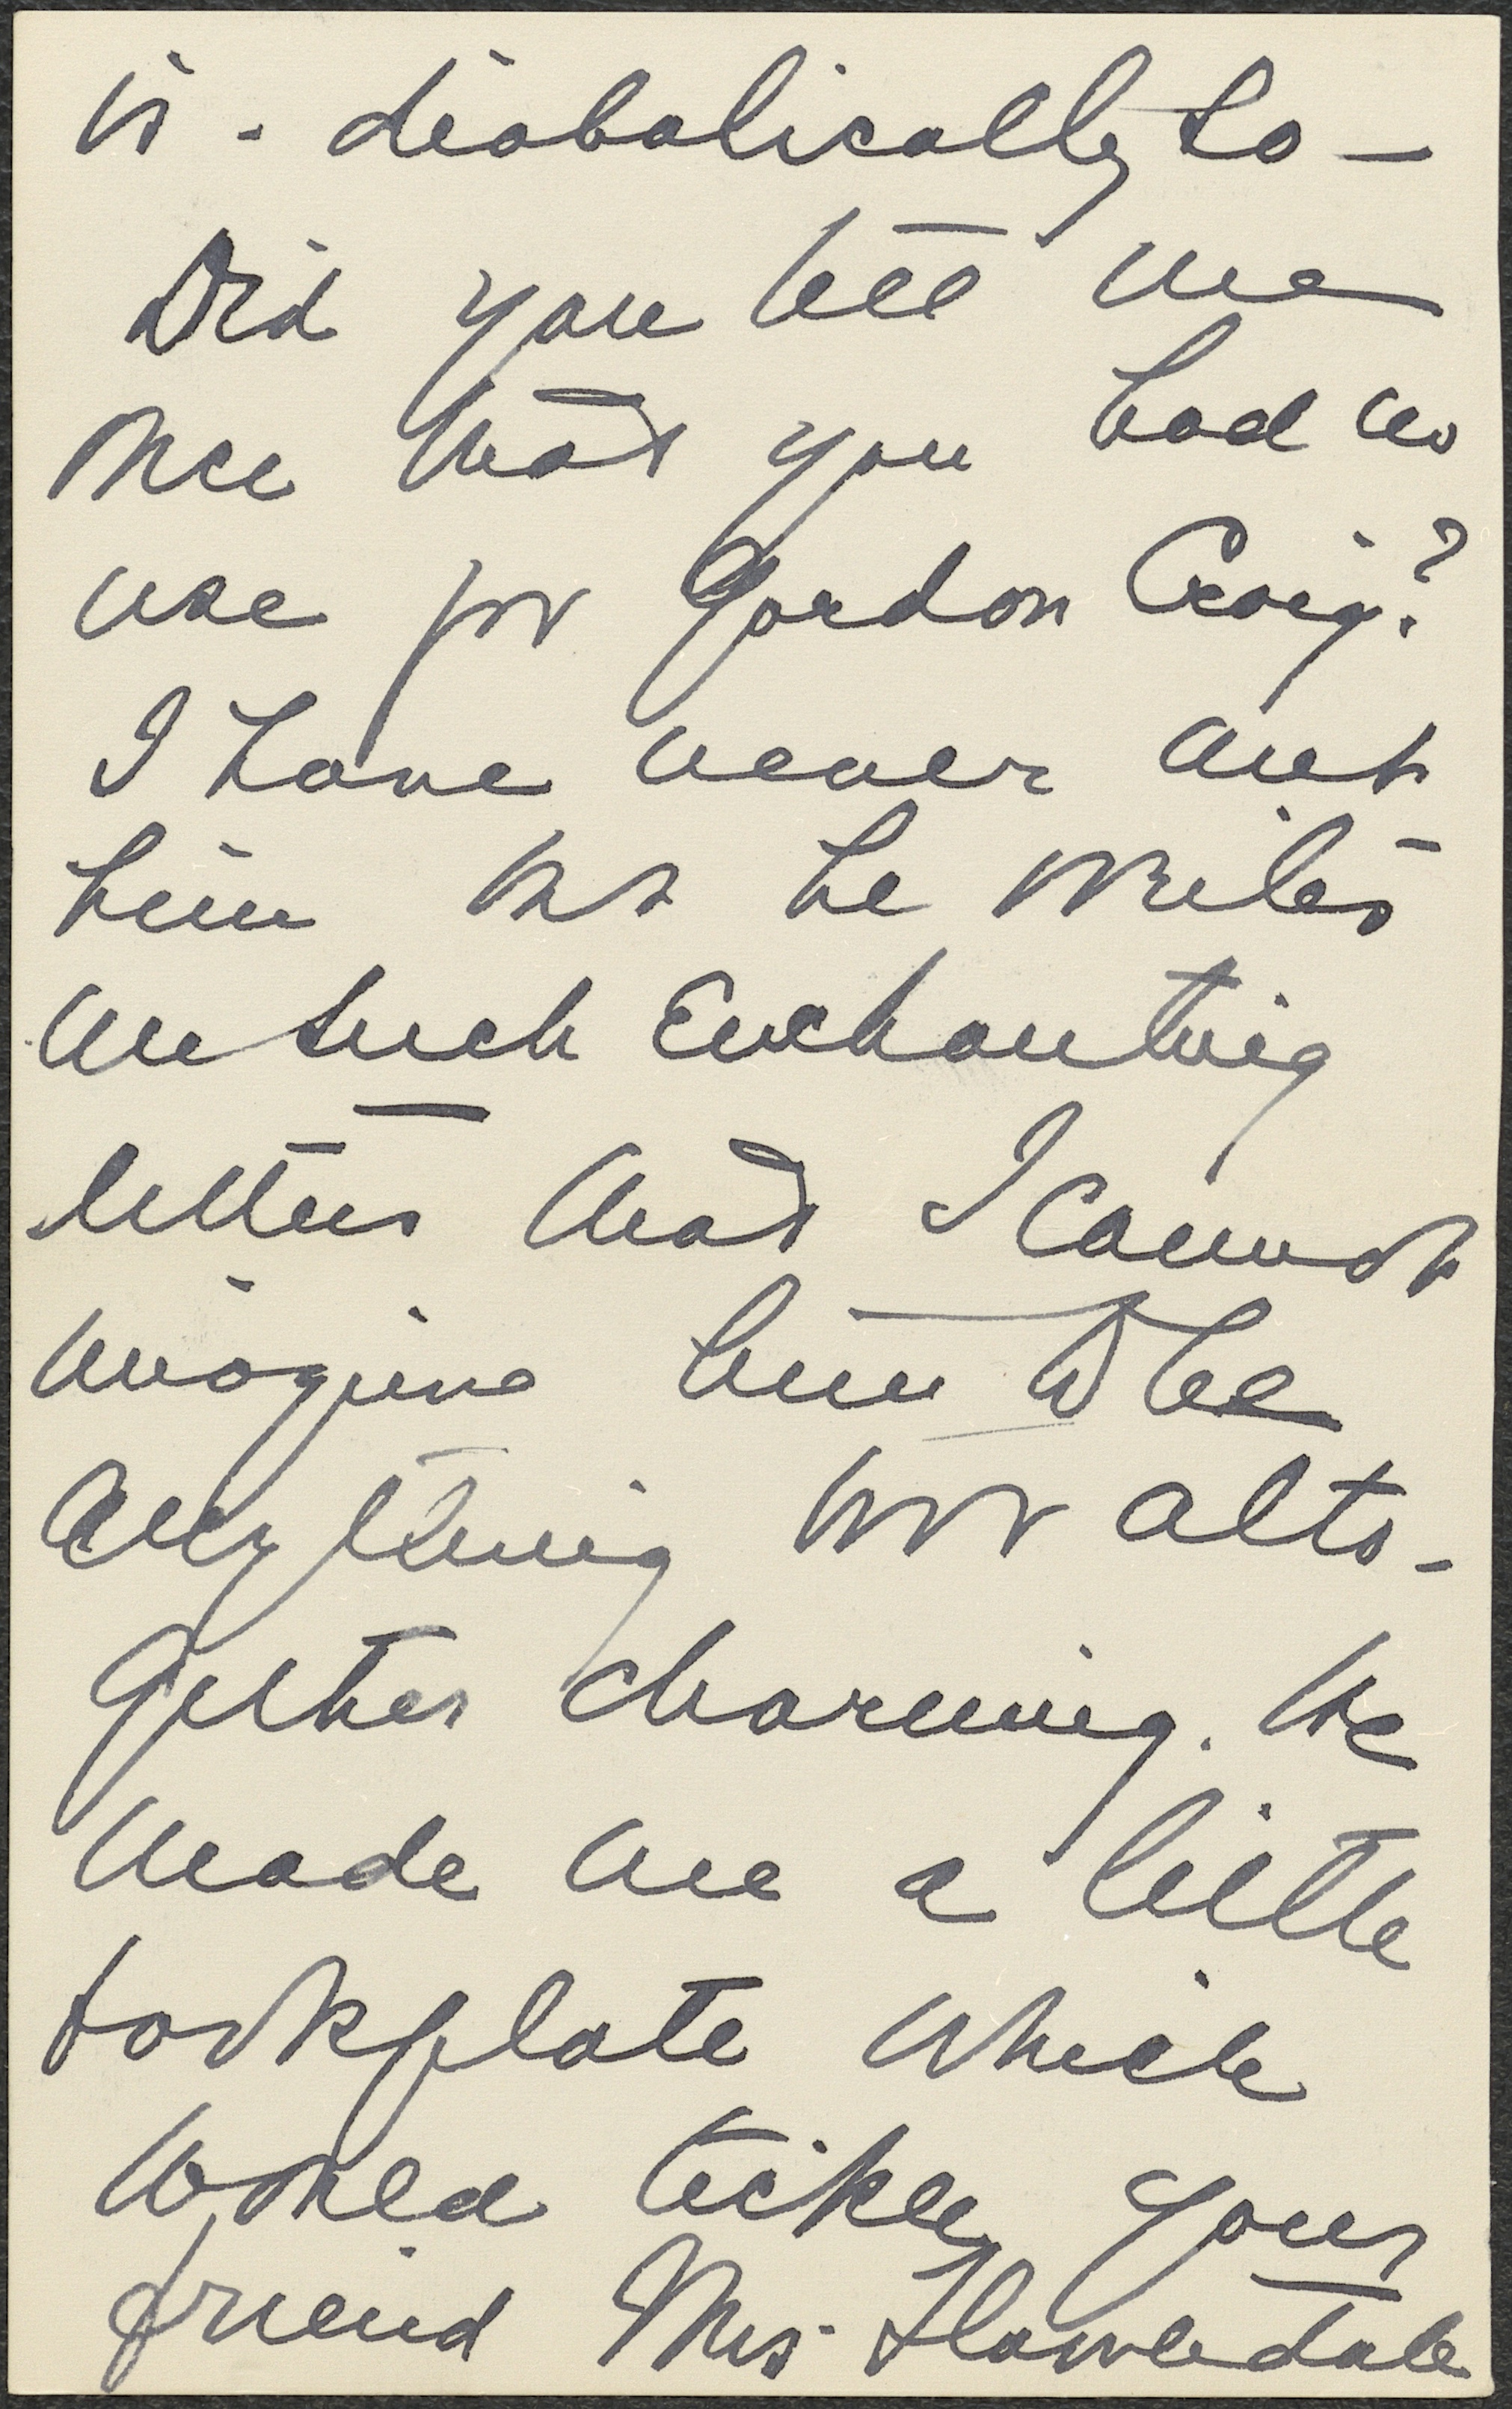is – diabolically so – Did you tell me once that you had no use for Gordon Craig? I have never met him but he writes me such enchanting letters that I cannot imagine him to be anything but altogether charming. He made me a little bookplate which would tickle your friend Mrs. Flowerdale